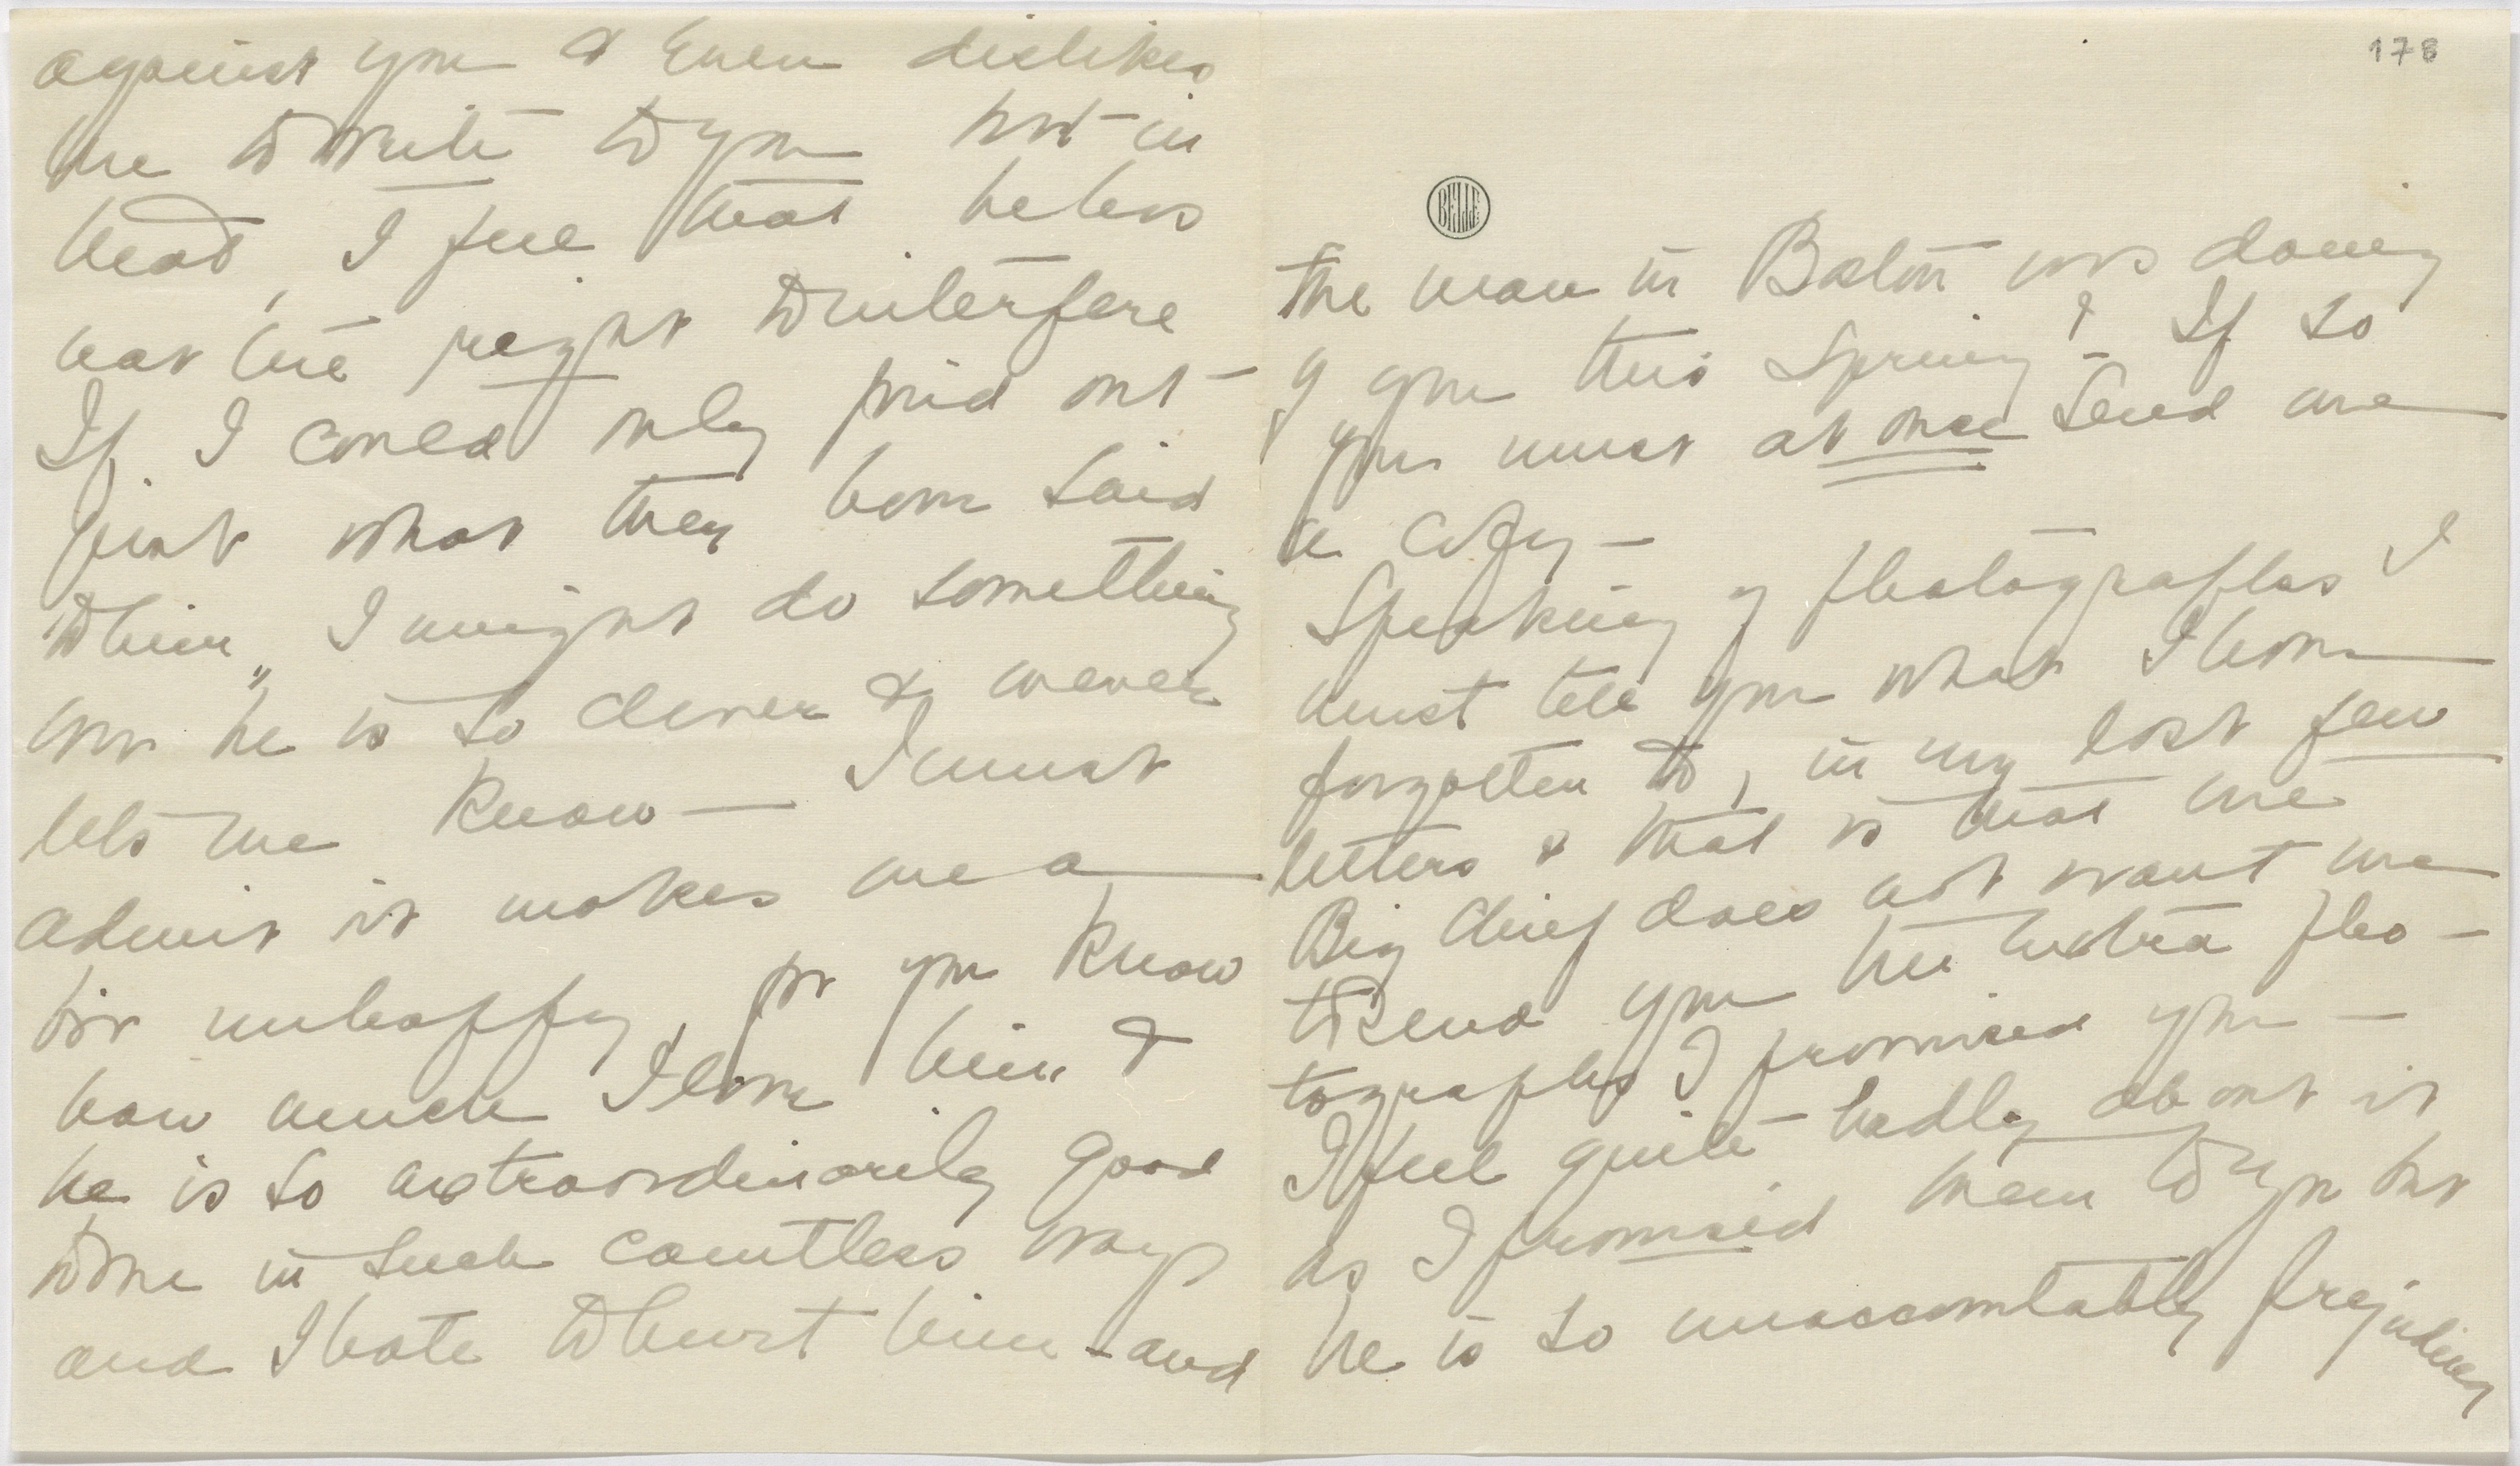the man in Boston was doing of you this Spring? If so you must [doubled underlined: at once] send me a copy –
Speaking of photographs I must tell you what I have forgotten to, in my last few letters & that is that the Big Chief does not want me to send you the extra photographs I promised you – I feel quite badly about it as I promised them to you but he is so unaccountably prejudiced
against you & even dislikes me to write to you but instead, I feel that he has not the right to interfere
If I could only find out just what they have said to him, I might do something but he is so clever & never lets me know – I must admit it makes me a bit unhappy, for you know how much I love him & he is so extraordinarily good to me in such countless ways and I hate to hurt him – and